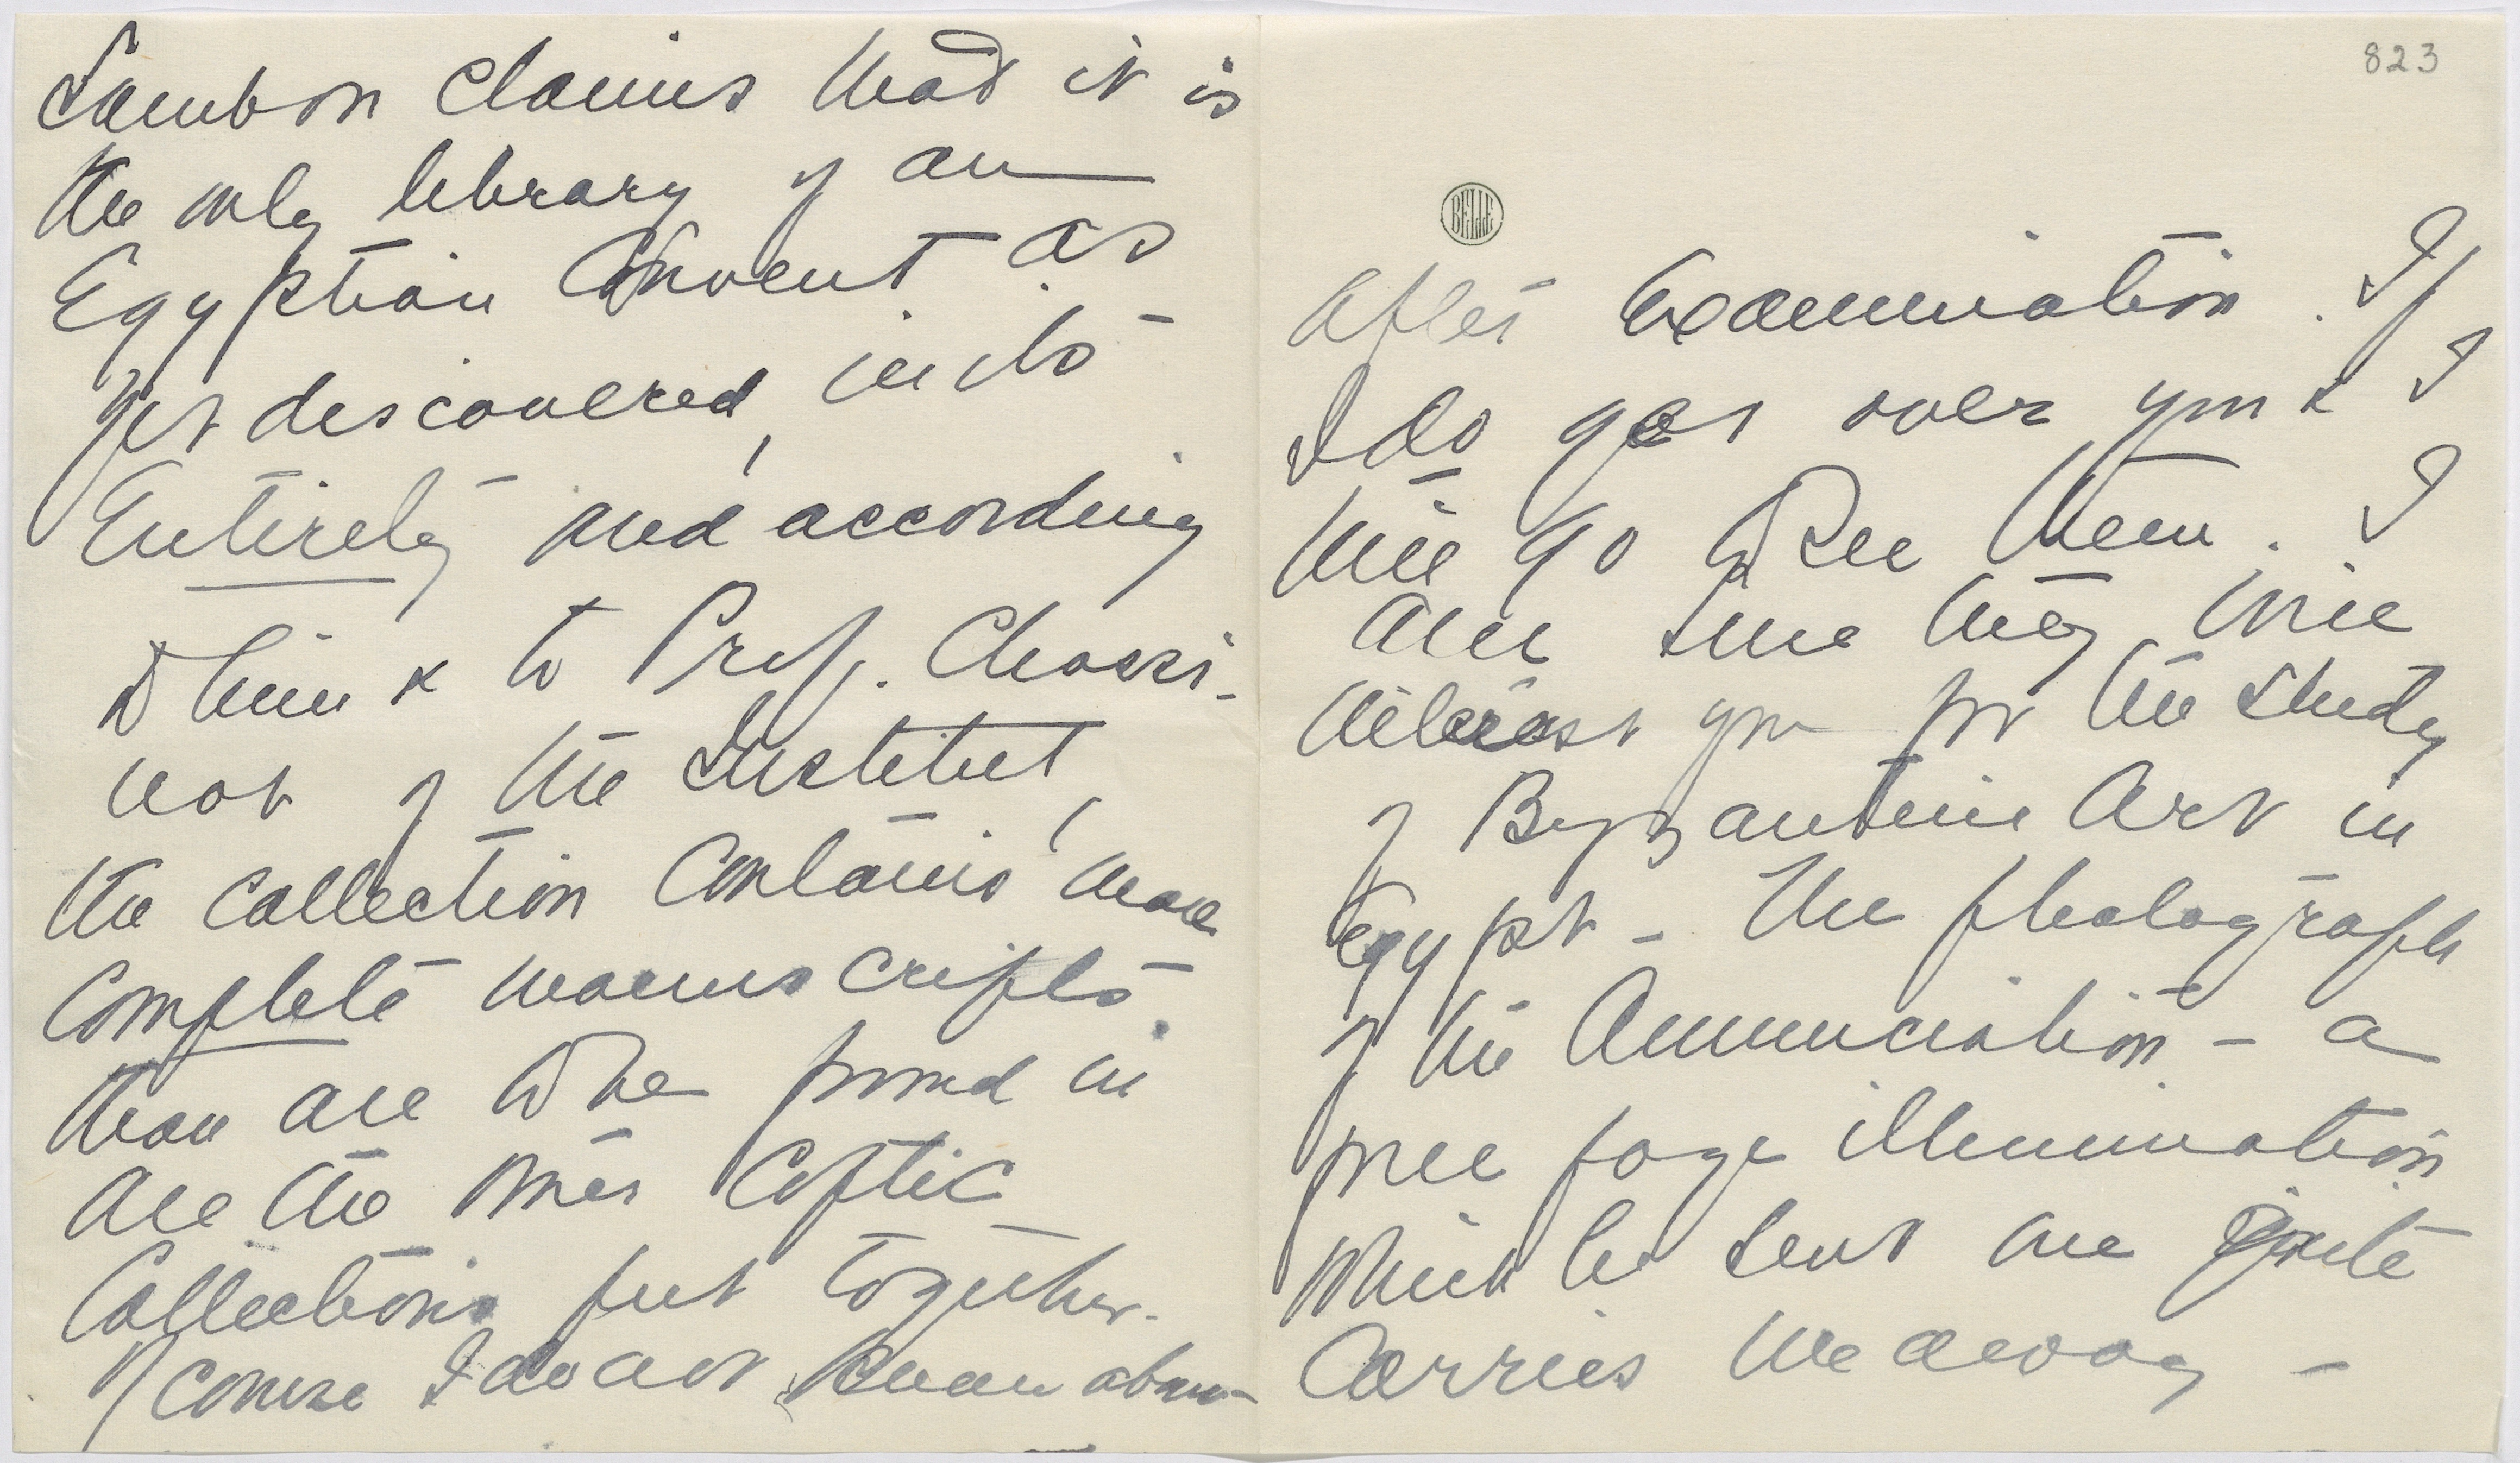after examination. If I do get over you I will go to see them. I am sure they will interest you for the study of Byzantine Art in Egypt – The photograph of the Annunciation – a full page illumination which he sent me quite carries me away –
Sambon claims that it is the only library of an Egyptian convent as yet discovered, in its entirety and according to him & to Prof. Chassi – not of the Institut [sic], the collection contains more complete manuscripts than all to be found in all the other Coptic Collections put together. of course I do not know about